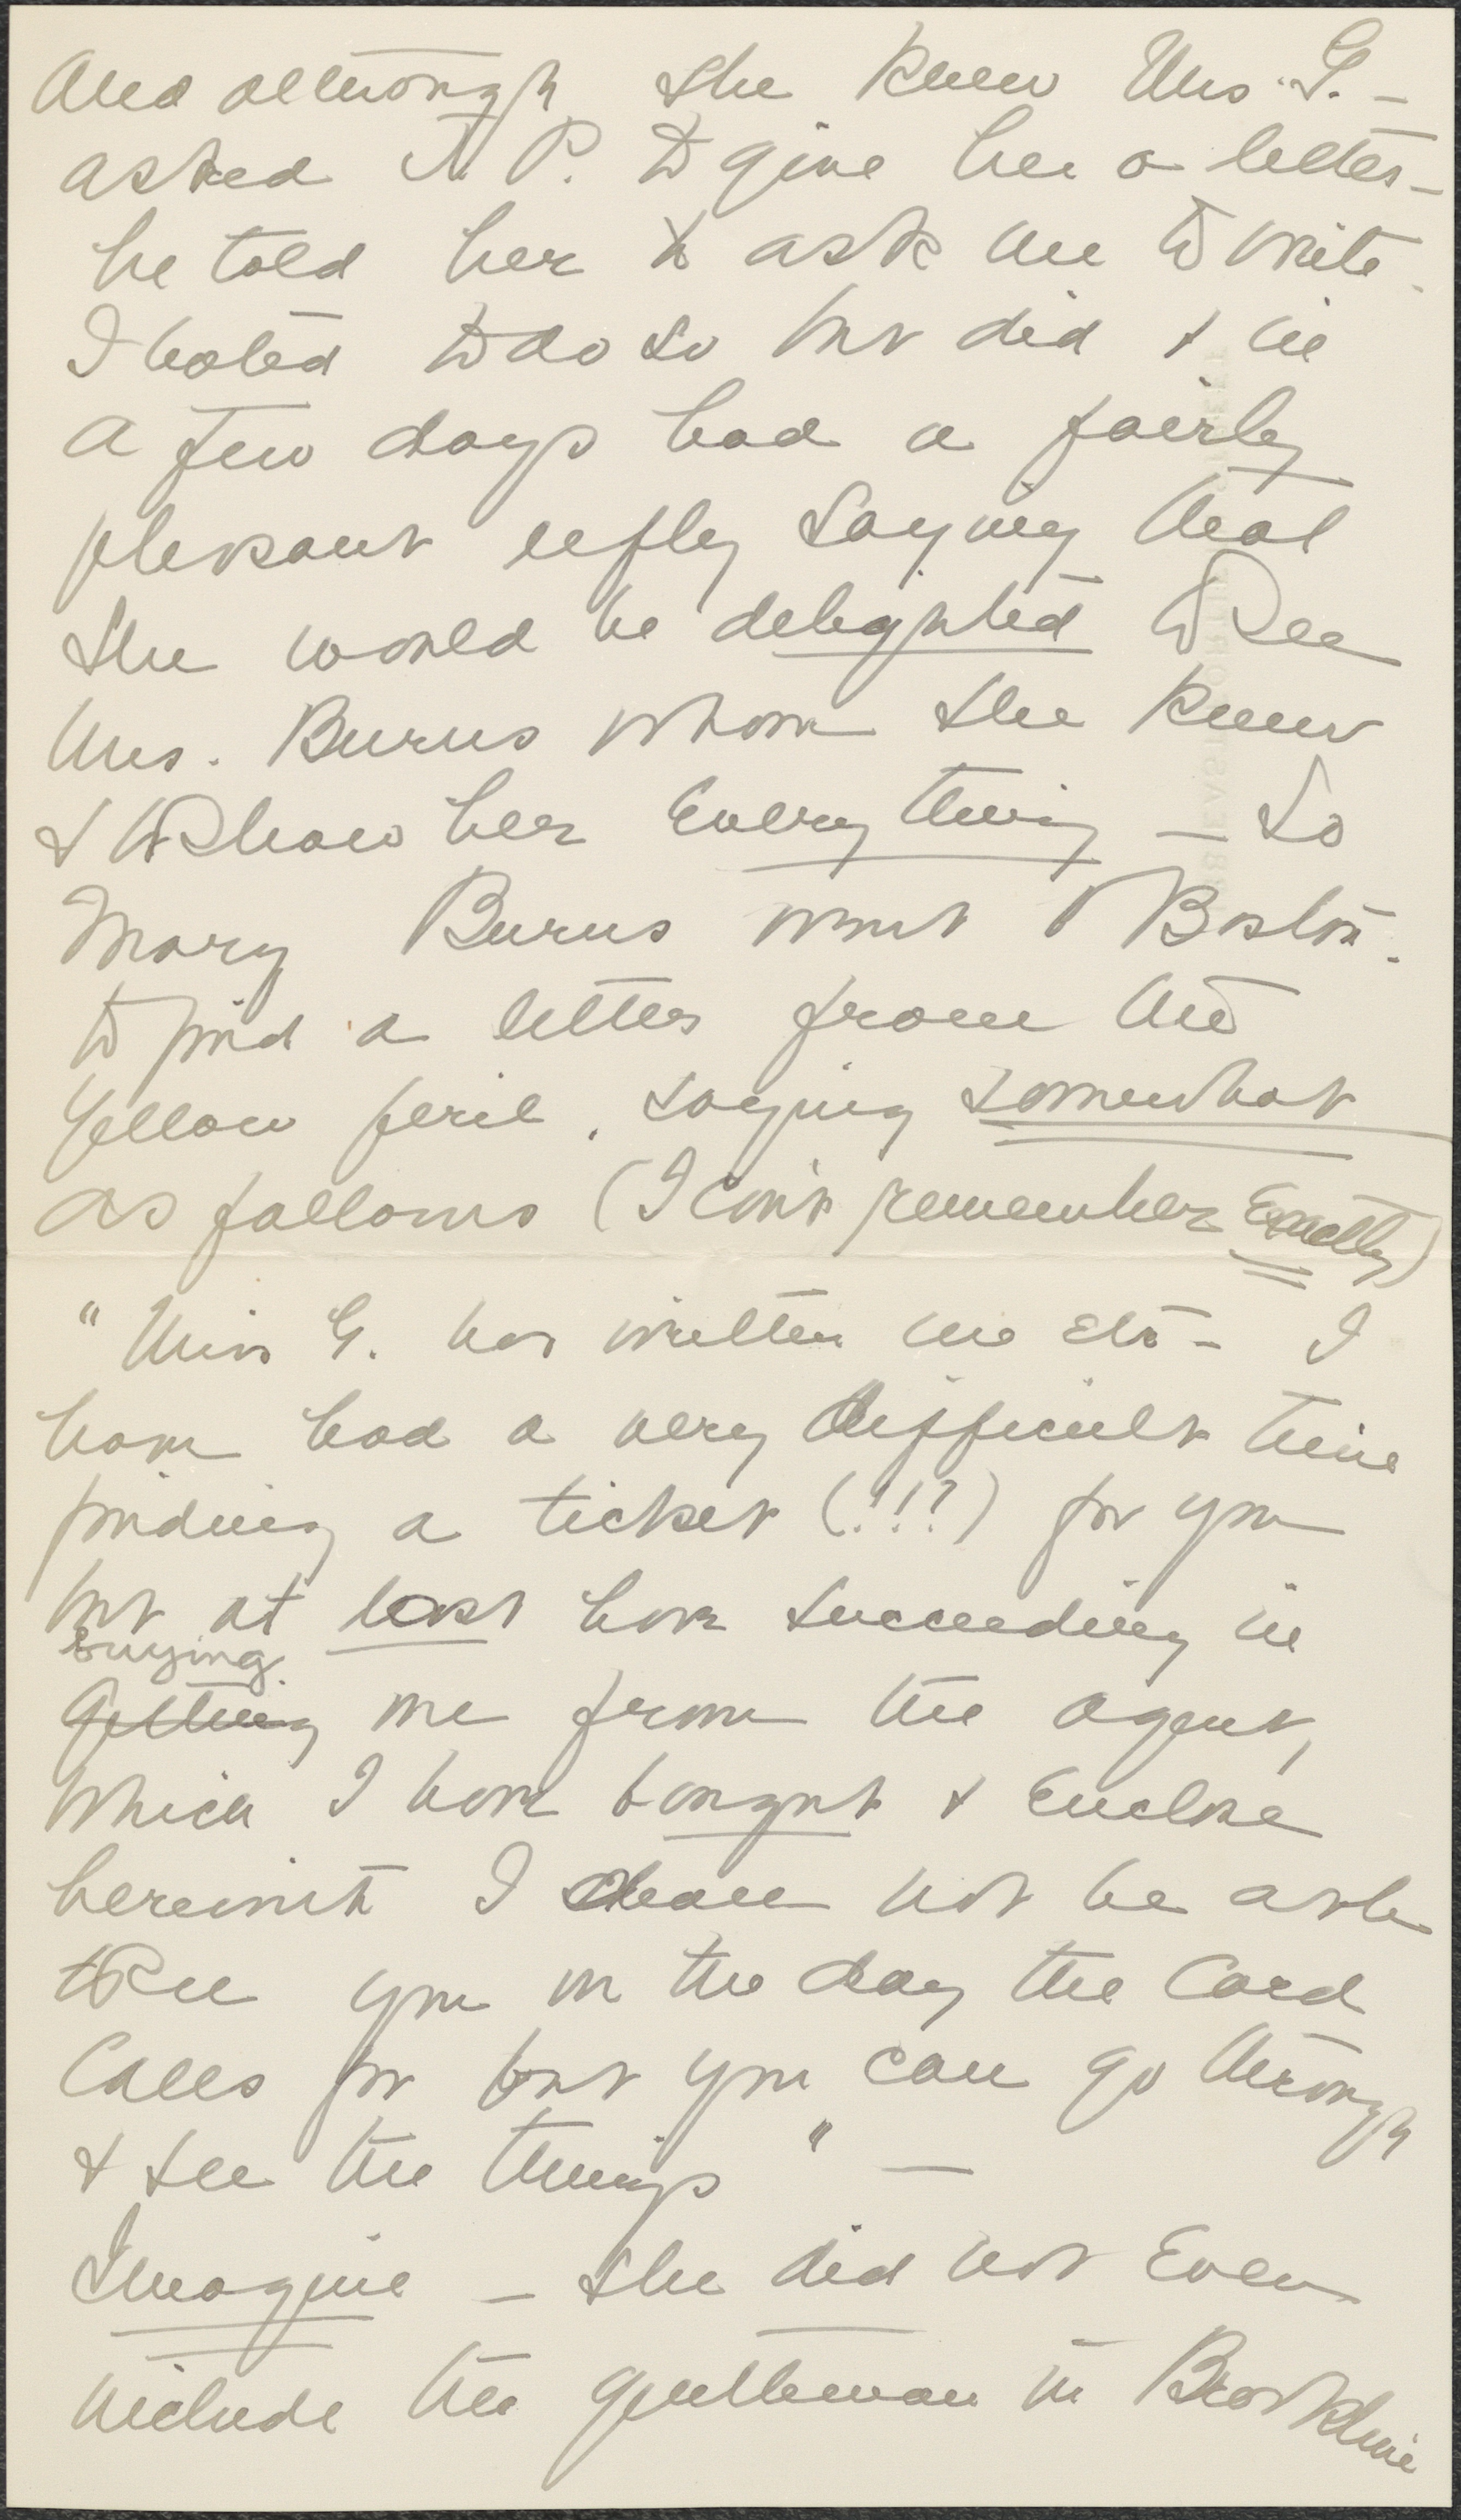and although she knew Mrs. G. – asked J.P. to give her a letter – he told her to ask me to write – I hated to do so but did & in a few days had a fairly pleasant reply saying that she would be delighted to see Mrs. Burns whom she knew & to show her every thing – So Mary Burns went to Boston, to find a letter from the yellow peril, saying [double underlined: somewhat] as follows (I can’t remember [double underlined: exactly])
“Miss G. has written me etc – I have had a very difficult time finding a ticket (!!?) for you but at last have succeeding in getting [^buying^] one from the agent, which I have bought & enclose herewith I shall not be able to see you on the day the card calls for but you can go through & see the things” –
[double underlined: Imagine] – she did not even include the gentleman in Brookline